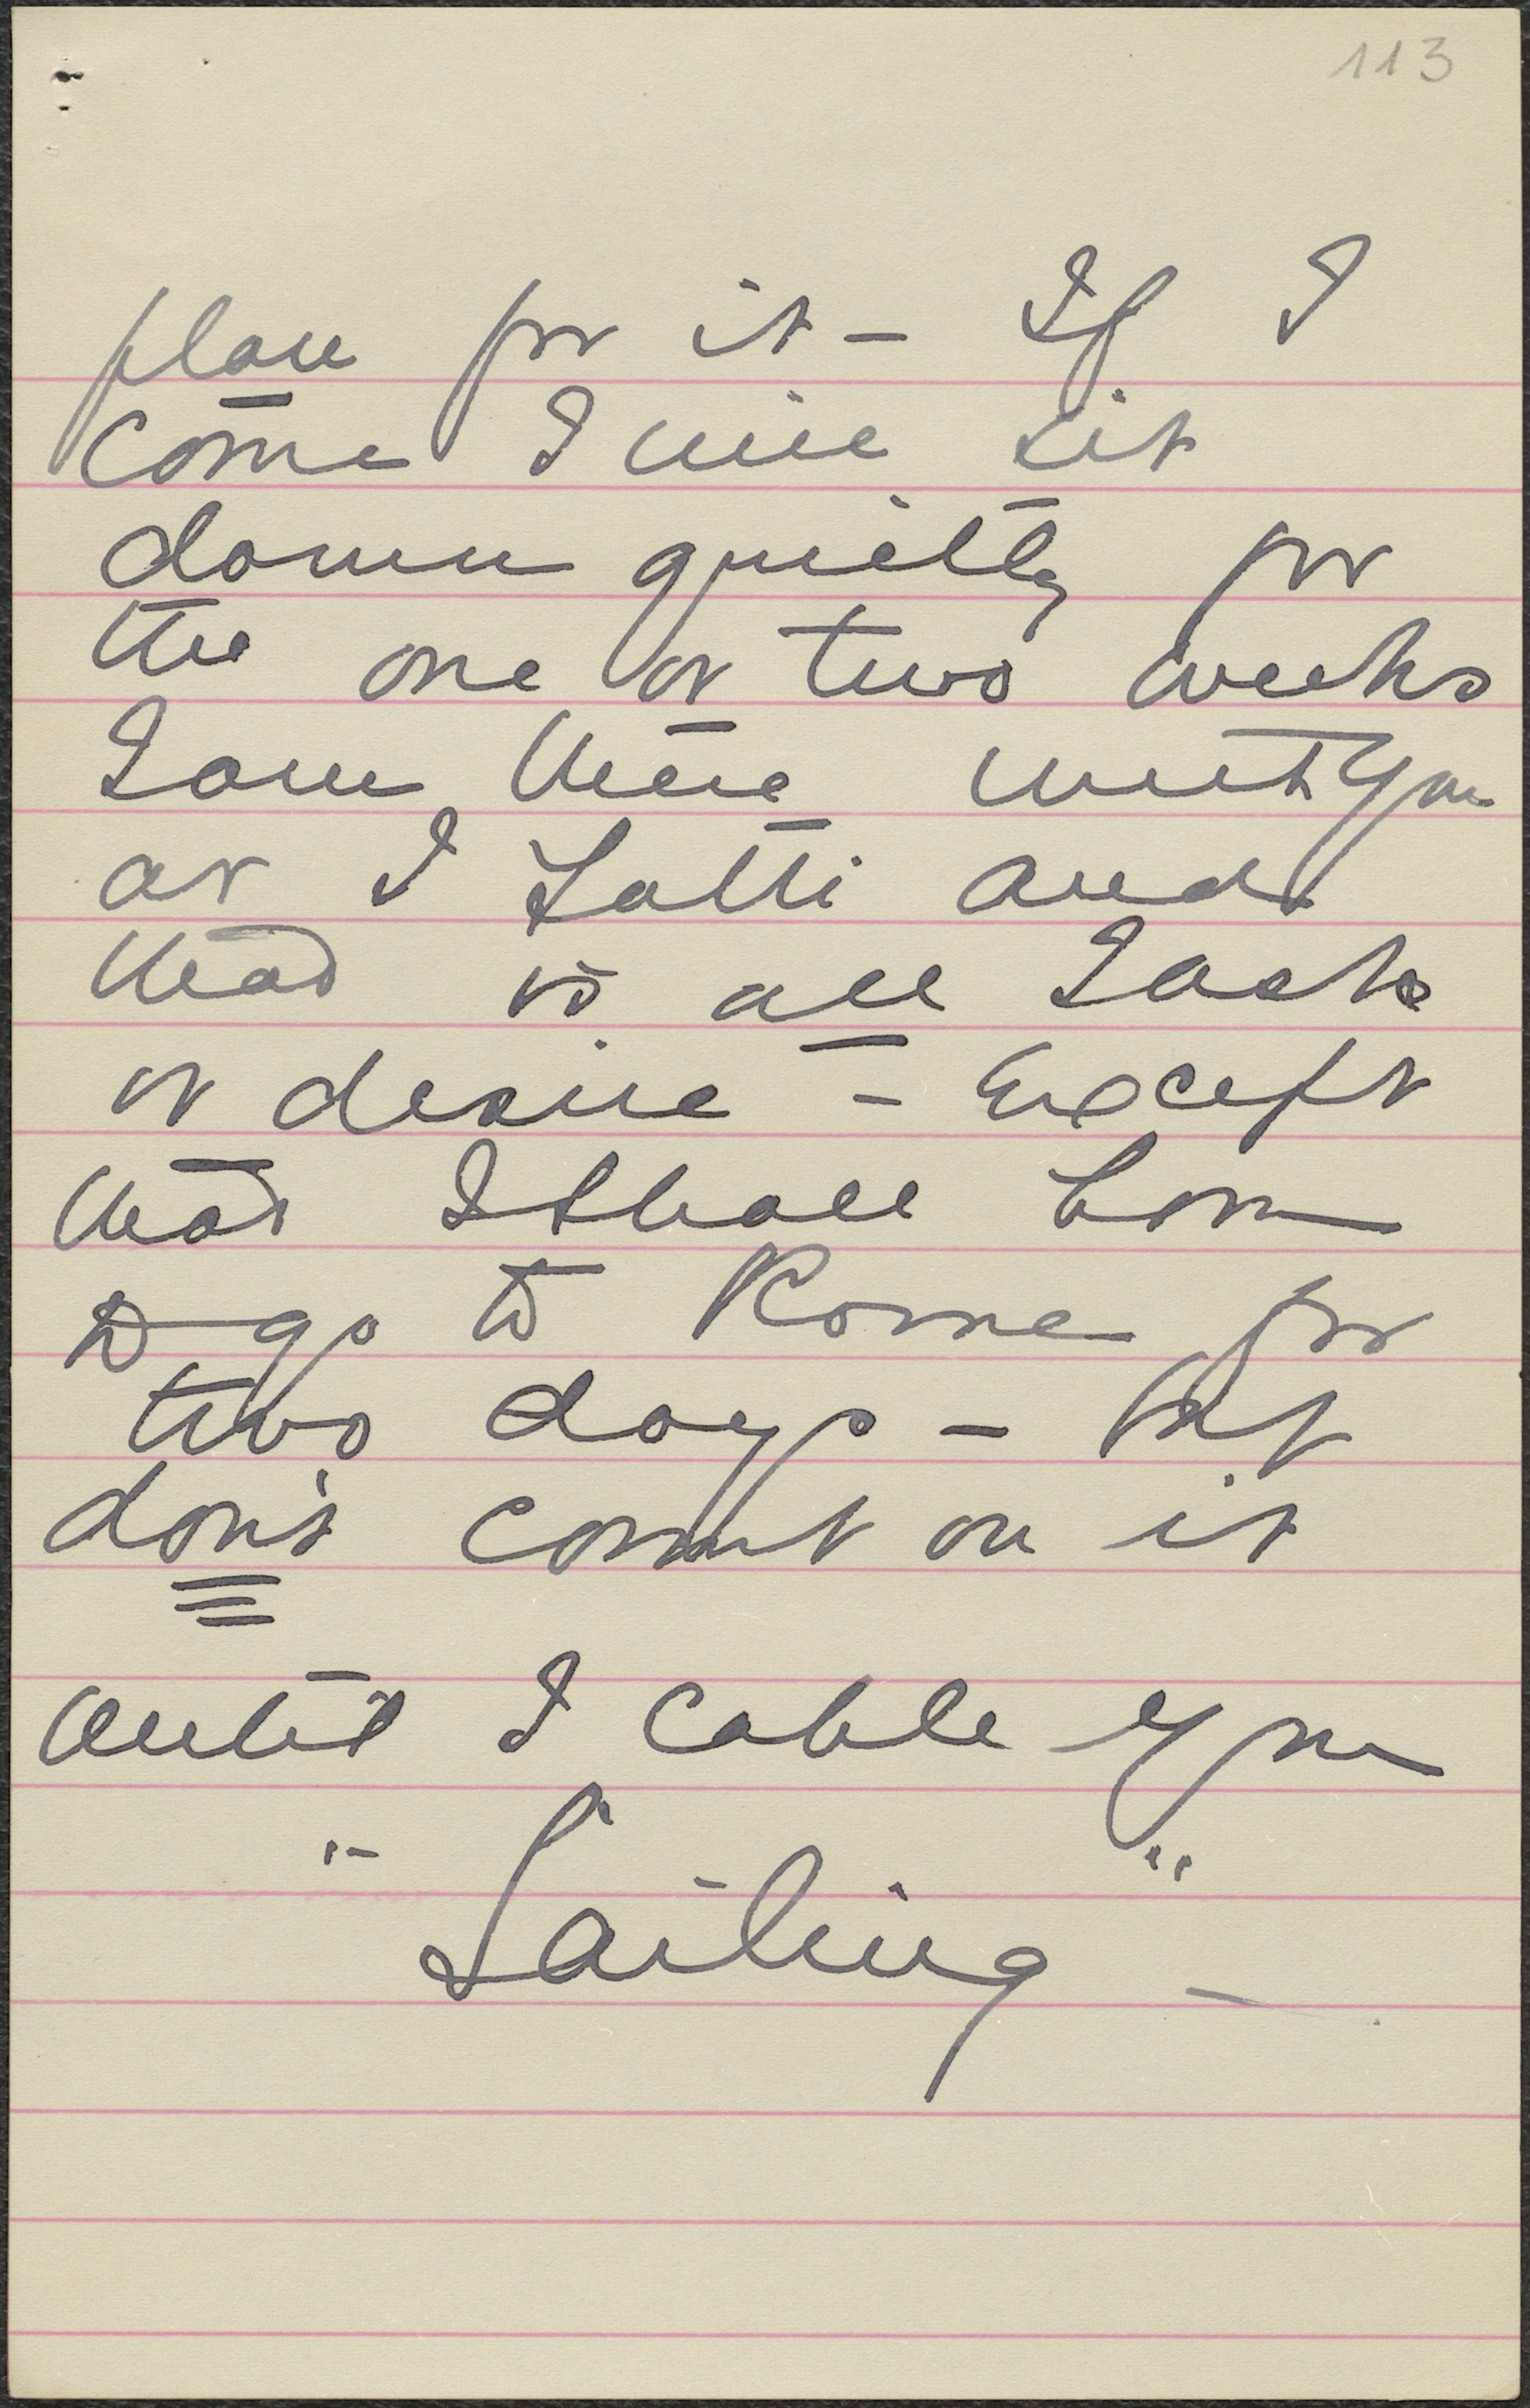plan for it – If I come I will sit down quietly for the one or two weeks I am there with you or I Tatti and that is all I ask or desire – except that I shall have to go to Rome for two days – but [triple underlined: don’t] count on it until I cable you “Sailing” –